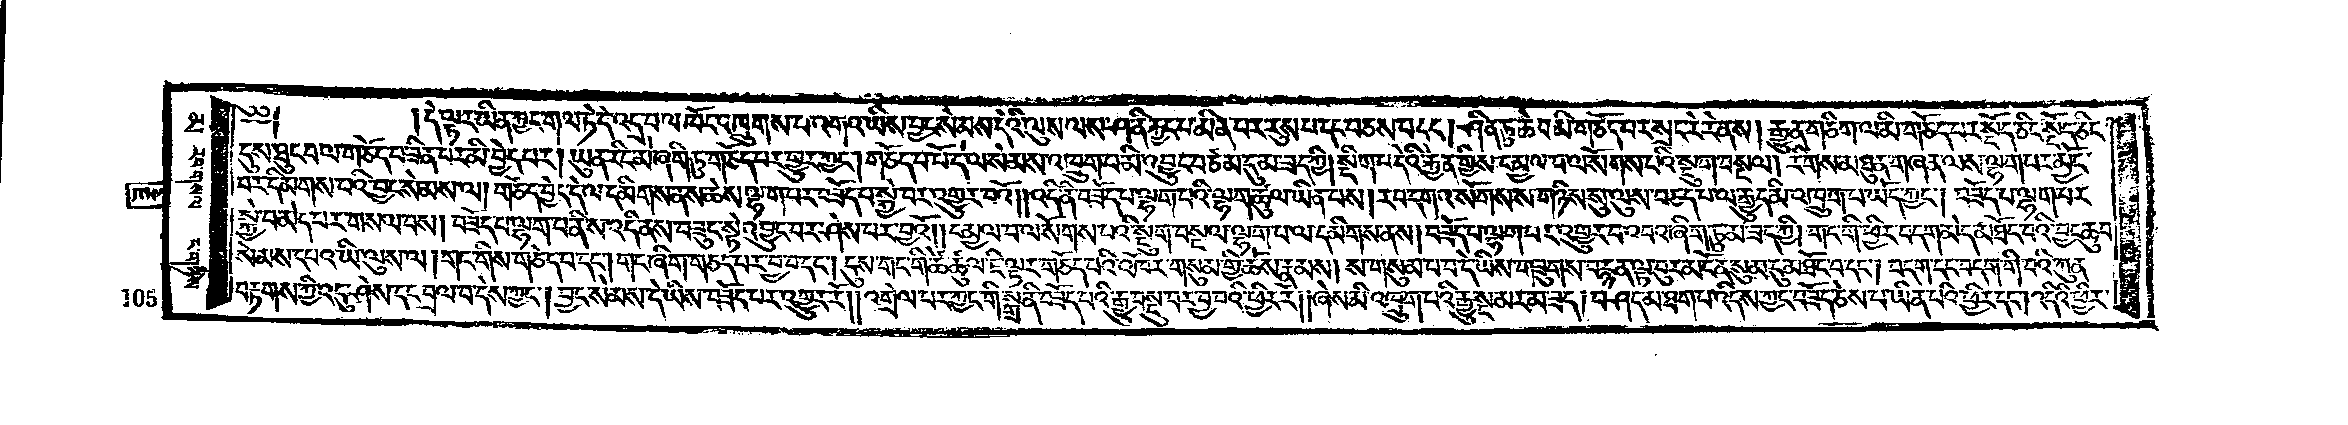༄༅། །དེ་ལྟར་ཡིན་ཀྱང་གལ་ཏེ་དེ་འདྲ་བ་ལ་ཁོང་འཁྲུགས་པ་འགའ་ཡིས་བྱང་སེམས་དེའི་ལུས་ལས་ཤ་ནི་རྐྱང་པ་མིན་པར་རུས་པ་དང་བཅས་པ་དང་། ཤིན་ཏུ་ཆེ་བ་མི་གཅོད་པར་སྲང་རེ་རེ་ནས། རྒྱུན་གཅིག་ལ་མི་གཅོད་པར་སྡོད་ཅིང་སྡོད་ཅིང་
དུས་ཐུང་བ་ལ་གཅོད་པ་ཟིན་པར་མི་བྱེད་པར། ཡུན་རིང་མོ་ཞིག་ཏུ་གཅོད་པར་གྱུར་ཀྱང་། གཅོད་པ་པོ་དེ་ལ་སེམས་འཁྲུག་པ་མི་འབྱུང་བ་ཙམ་དུ་མ་ཟད་ཀྱི། སྡིག་པ་དེའི་རྐྱེན་གྱིས་དམྱལ་བ་ལ་སོགས་པའི་སྡུག་བསྔལ། རིགས་མཐུན་གཞན་ལས་ལྷག་པར་མྱོང་
བར་དམིགས་པའི་བྱང་སེམས་ལ། གཅོད་བྱེད་དེ་ལ་དམིགས་ནས་ཆེས་ལྷག་པར་བཟོད་པ་སྐྱེ་བར་འགྱུར་བའོ། །འདི་ནི་བཟོད་པ་ལྷག་པའི་ལྷག་ཚུལ་ཡིན་པས། རབ་དགའ་སོགས་ས་གཉིས་སུ་ལུས་བཅད་པ་ལ་རྒྱུད་མི་འཁྲུག་པ་ཡོད་ཀྱང་། བཟོད་པ་ལྷག་པར་
སྐྱེ་བ་མེད་པར་གསལ་བས། བཟོད་པ་ལྷག་པ་ནི་ས་འདི་ནས་བཟུང་སྟེ་འབྱུང་བར་ཤེས་པར་བྱའོ། །དམྱལ་བ་ལ་སོགས་པའི་སྡུག་བསྔལ་ལྷག་པ་ལ་དམིགས་ནས། བཟོད་པ་ལྷག་པར་འགྱུར་བ་འབའ་ཞིག་ཏུ་མ་ཟད་ཀྱི། གང་གི་ཕྱིར་བདག་མེད་མཐོང་བའི་བྱང་ཆུབ་
སེམས་དཔའ་ཡི་ལུས་ལ། གང་གིས་གཅོད་པ་དང་། གང་ཞིག་གཅད་པར་བྱ་བ་དང་། དུས་གང་གི་ཚེ་ཚུལ་ཇི་ལྟར་གཅོད་པའི་འཁོར་གསུམ་གྱི་ཆོས་རྣམས། ས་གསུམ་པ་བ་དེ་ཡིས་གཟུགས་བརྙན་ལྟ་བུར་མངོན་སུམ་དུ་མཐོང་བ་དང་། བདག་དང་བདག་གི་བའི་ཀུན་
བརྟགས་ཀྱི་འདུ་ཤེས་དང་བྲལ་བ་དེས་ཀྱང་། བྱང་སེམས་དེ་ཡིས་བཟོད་པར་འགྱུར་རོ། །འགྲེལ་པར་ཀྱང་གི་སྒྲ་ནི་བཟོད་པའི་རྒྱུ་བསྡུ་བར་བྱ་བའི་ཕྱིར་རོ། །ཞེས་མི་འཁྲུག་པའི་རྒྱུ་སྔ་མར་མ་ཟད། བཤད་མ་ཐག་པ་འདིས་ཀྱང་བཟོད་ཅེས་པ་ཡིན་པའི་ཕྱིར་དང་། འདིའི་ཕྱིར་